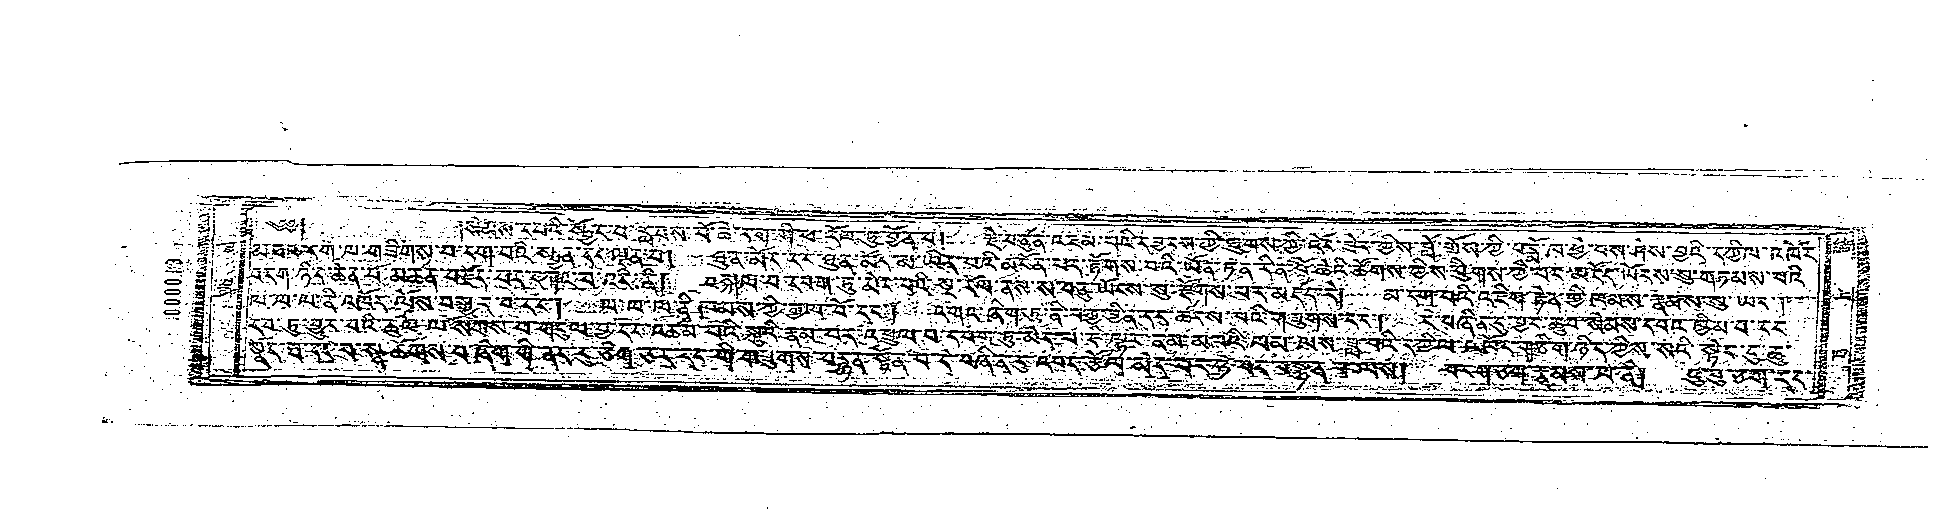༄༅། །སེམས་དཔའི་སྤྱོད་པ་རླབས་པོ་ཆེ་ངག་གི་ཕ་རོལ་ཏུ་བྱོན་པ། རྗེ་ཙུན་འཇམ་པའི་དབྱངས་ཀྱི་ཐུགས་ཀྱི་འོད་ཟེར་གྱིས་བློ་གྲོས་ཀྱི་པདམོ་ཁ་ཕྱེ་བས་ཤེས་བྱའི་དཀྱིལ་འཁོར་
མཐའ་དག་ལ་གཟིགས་པ་དག་པའི་སྤྱན་དང་ལྡན་པ། ཐུན་མོང་དང་ཐུན་མོང་མ་ཡིན་པའི་མངོན་པར་རྟོགས་པའི་ཡོན་ཏན་རིན་པོ་ཆེའི་ཚོགས་ཀྱིས་ཐུགས་ཀྱི་བང་མཛོད་ཡོངས་སུ་གཏམས་པའི་
བདག་ཉིད་ཆེན་པོ་མཚན་བརྗོད་པར་དཀའ་བ་འདི་ནི། བསྐལ་པ་དཔག་ཏུ་མེད་པའི་སྔ་རོལ་ནས་ས་བཅུ་ཡོངས་སུ་རྫོགས་པར་མཛད་དེ། མ་དག་པའི་འཇིག་རྟེན་གྱི་ཁམས་རྣམས་སུ་ཡང་།
ལ་ལ་ལ་ནི་འཁོར་ལོས་བསྒྱུར་བ་དང་། ལ་ལ་ལ་ནི་ཁམས་ཀྱི་རྒྱལ་པོ་དང་། འགའ་ཞིག་ཏུ་ནི་བརྒྱ་བྱིན་དང་ཚངས་པའི་གཟུགས་དང་། དེ་བཞིན་དུ་བྱང་ཆུབ་སེམས་དཔའ་ཁྱིམ་པ་དང་
རབ་ཏུ་བྱུང་བའི་ཚུལ་ལ་སོགས་པ་གདུལ་བྱ་དང་འཚམ་པའི་སྐུའི་རྣམ་པར་འཕྲུལ་པ་དཔག་ཏུ་མེད་པ་ཇི་ལྟར་ནམ་མཁའི་ལམ་ལས་ཟླ་བའི་དཀྱིལ་འཁོར་གཅིག་ཉིད་ཀྱིས་སའི་སྟེང་དུ་ཆུ་
སྣོད་ཐ་དད་པ་སྣ་ཚོགས་པ་ཞིག་གི་ནང་དུ་ཅིག་ཅར་རང་གི་གཟུགས་བརྙན་སྟོན་པ་དེ་བཞིན་དུ་འབད་རྩོལ་མེད་པར་ཉེ་བར་བསྟན་པ་ལས། བདག་ཅག་རྣམས་ལ་ནི། འུ་བུ་ཅག་རང་